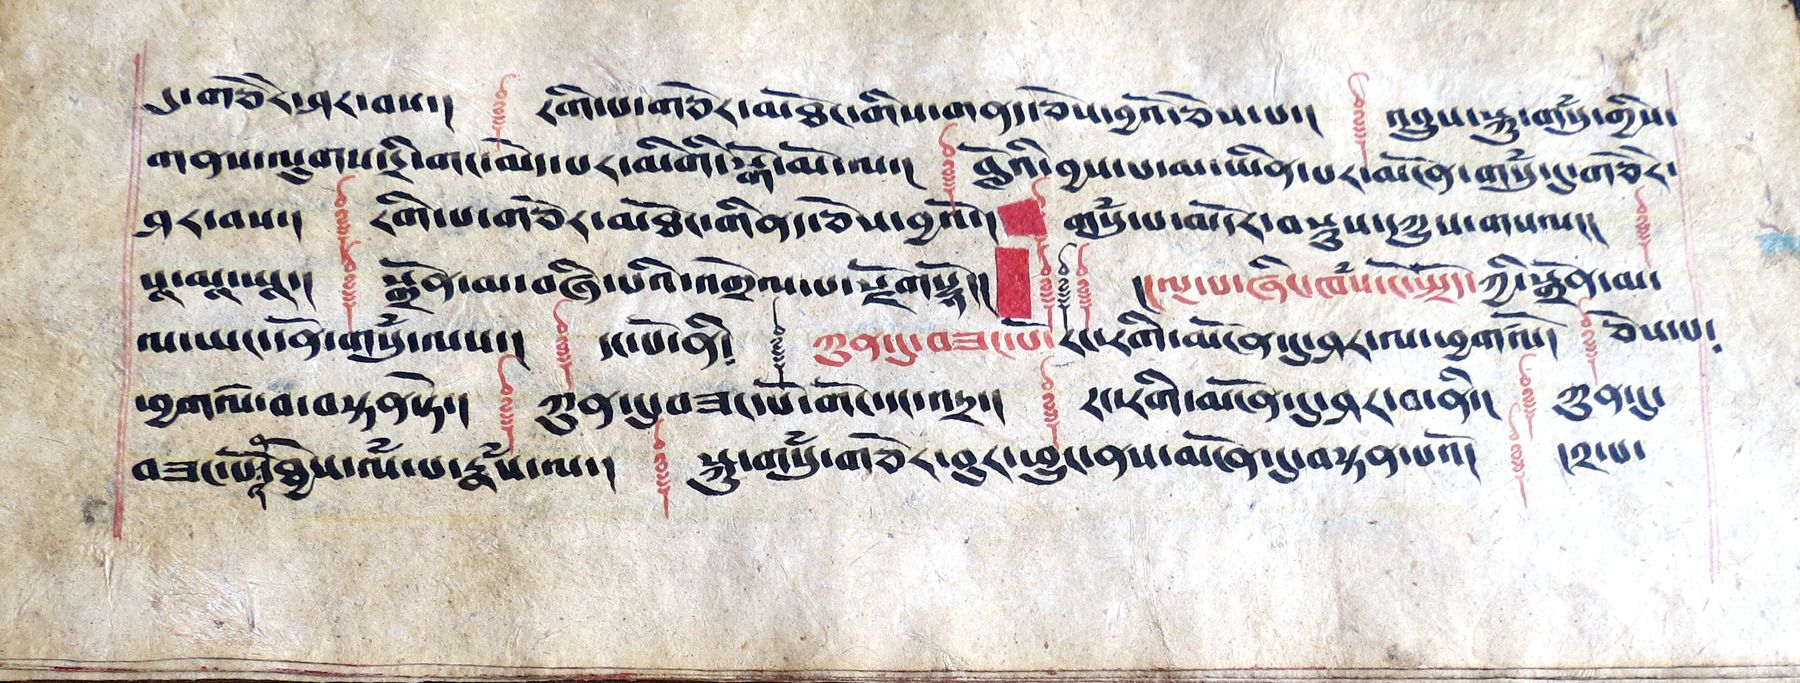དུ་ཅེར་རེར་ཤར་བས། རིག་པ་གཅེར་མཐོང་གི་གནད་ཅེས་བྱའོ། །ཞེས་པས། འབྲས་བུ་སྐུ་གསུམ་གྱི་
གནས་ལུགས་བྲི་གང་མེད་པར་མིག་གི་སྒོ་མོ་ལ། བློ་ཡིས་བྱས་པ་མ་ཡིན་པར་མངོན་གསུམ་དུ་ཅེར་རེར་
ཤར་བས། རིག་པ་གཅེར་མཐོང་གི་གནད་ཅེས་བྱའོ། །གསུམ་པ་མདོར་བསྡུ་དཀྱུས་གསལ། 
ས་མ་ཡ། །སྒྲོན་མ་བཞི་པའི་འགྲེལ་བ་རྫོགས་སོ། །ཐ༽ ལྔ་པ། ཞིང་ཁམས་ངོ་སྤྲོད་ཀྱི་སྒྲོན་མ་
ལ་ཡང་དོན་གསུམ་ལས། དང་པོ་ནི། ཀུན་ཏུ་བཟང་པོ་རང་རིག་མངོན་དུ་ཤར་ལ་ཕྱག་འཚལ་ལོ། །ཞེས་པས། 
ཕྱག་འཚལ་བ་བསྟན་ཏེ། ཀུན་བཟང་གོང་དང་འདྲ། རང་རིག་མངོན་དུ་ཤར་བ་ནི། ཀུན་ཏུ་
བཟང་པོའི་ཐུགས་རྗེས་ལམ་པ་རྣམས་ལ་སྐུ་གསུམ་གཅེར་བུར་ཕྱུང་ནས་མངོན་དུ་སྟོན་པའོ། །གཉིས་པ་